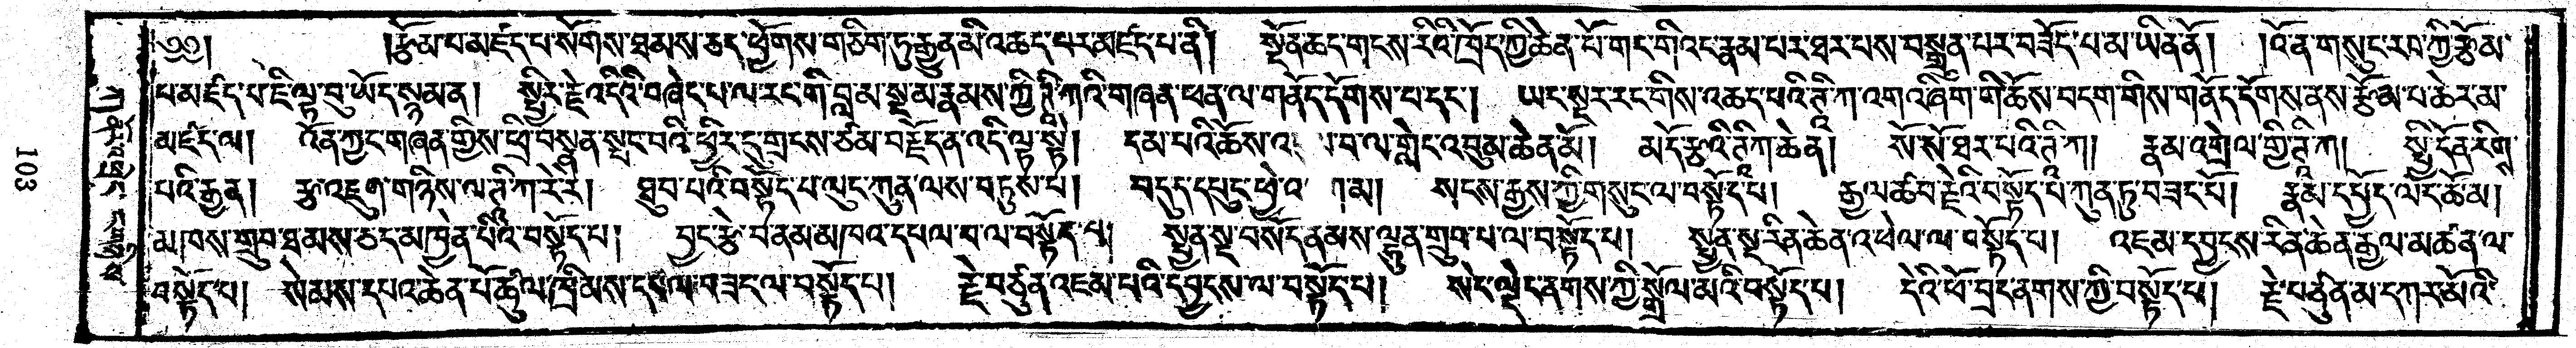༄༅། །རྩོམ་པ་མཛད་པ་སོགས་ཐམས་ཅད་ཕྱོགས་གཅིག་ཏུ་རྒྱུན་མི་འཆད་པར་མཛད་པ་ནི། སྔོན་ཆད་གངས་རིའི་ཁྲོད་ཀྱི་ཆེན་པོ་གང་གིའང་རྣམ་པར་ཐར་པས་བསྒྲུན་པར་བཟོད་པ་མ་ཡིན་ནོ། །འོ་ན་གསུང་རབ་ཀྱི་རྩོམ་
པ་མཛད་པ་ཇི་ལྟ་བུ་ཡོད་སྙམ་ན། སྤྱིར་རྗེ་འདིའི་བཞེད་པ་ལ་རང་གི་བླ་མ་སྔ་མ་རྣམས་ཀྱི་ཊཱི་ཀའི་གཞན་ཕན་ལ་གནོད་དོགས་པ་དང་། ཡང་སྔར་རང་གིས་འཆད་པའི་ཊཱི་ཀ་འགའ་ཞིག་གི་ཆོས་བདག་གིས་གནོད་དོགས་ནས་རྩོམ་པ་ཆེར་མ་
མཛད་ལ། འོན་ཀྱང་གཞན་གྱིས་ཕྲི་བསྣན་སྤང་བའི་ཕྱིར་དུ་གྲངས་ཙམ་བརྗོད་ན་འདི་ལྟ་སྟེ། དམ་པའི་ཆོས་འཇལ་བ་ལ་གླེང་འབུམ་ཆེན་མོ། མདོ་རྩའི་ཊཱིཀ་ཆེན། སོ་སོ་ཐར་པའི་ཊཱི་ཀ། རྣམ་འགྲེལ་གྱི་ཊཱི་ཀ། སྤྱི་དོན་རིགས་
པའི་རྒྱན། རྩ་འཇུག་གཉིས་ལ་ཊཱི་ཀ་རེ་རེ། ཐུབ་པའི་བསྟོད་པ་ལུང་ཀུན་ལས་བཏུས་པ། བདུད་དཔུང་ཕྱེ་འགག་མ། སངས་རྒྱས་ཀྱི་གསུང་ལ་བསྟོད་པ། རྒྱལ་ཚབ་རྗེའི་བསྟོད་པ་ཀུན་ཏུ་བཟང་པོ། རྣམ་དཔྱོད་ལང་ཆོ་མ།
མཁས་གྲུབ་ཐམས་ཅད་མཁྱེན་པའི་བསྟོད་པ། བྱང་རྩེ་བ་ནམ་མཁའ་དཔལ་བ་ལ་བསྟོད་པ། སྤྱན་སྔ་བསོད་ནམས་ལྷུན་གྲུབ་པ་ལ་བསྟོད་པ། སྤྱན་སྔ་རིན་ཆེན་འཕེལ་ལ་བསྟོད་པ། འཇམ་དབྱངས་རིན་ཆེན་རྒྱལ་མཚན་ལ་
བསྟོད་པ། སེམས་དཔའ་ཆེན་པོ་ཚུལ་ཁྲིམས་དཔལ་བཟང་ལ་བསྟོད་པ། རྗེ་བཙུན་འཇམ་པའི་དབྱངས་ལ་བསྟོད་པ། སེང་ལྡེང་ནགས་ཀྱི་སྒྲོལ་མའི་བསྟོད་པ། དེའི་ཕོ་བྲང་ནགས་ཀྱི་བསྟོད་པ། རྗེ་བཙུན་མ་དཀར་མོའི་